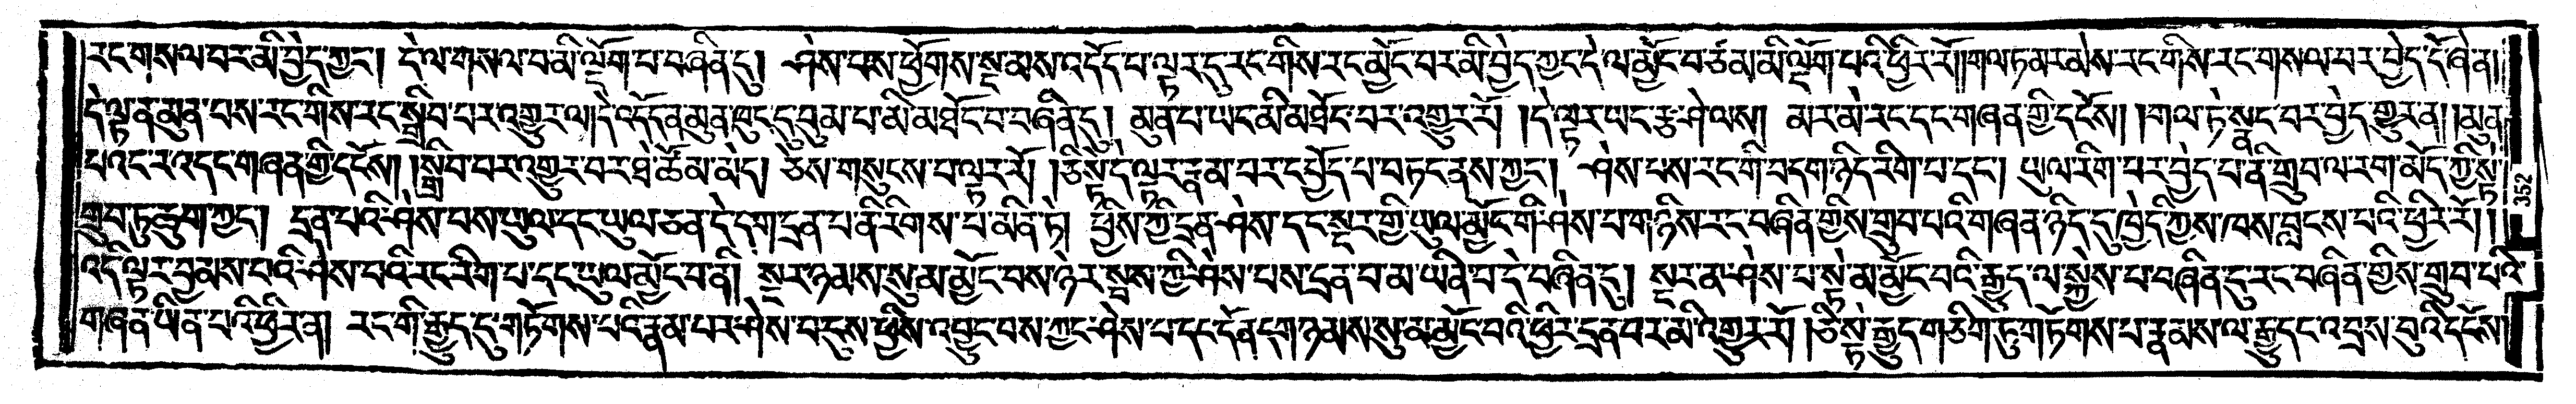རང་གསལ་བར་མི་བྱེད་ཀྱང་། དེ་ལ་གསལ་བ་མི་ལྡོག་པ་བཞིན་དུ། ཤེས་པས་ཕྱོགས་སྔ་མས་འདོད་པ་ལྟར་དུ་རང་གིས་རང་མྱོང་བར་མི་བྱེད་ཀྱང་དེ་ལ་མྱོང་བ་ཙམ་མི་ལྡོག་པའི་ཕྱིར་རོ། །གལ་ཏེ་མར་མེས་རང་གིས་རང་གསལ་བར་བྱེད་དོ་ཞེ་ན།
དེ་ལྟ་ན་མུན་པས་རང་གིས་རང་སྒྲིབ་པར་འགྱུར་ལ། དེ་འདོད་ན་མུན་ཁུང་དུ་བུམ་པ་མི་མཐོང་བ་བཞིན་དུ། མུན་པ་ཡང་མི་མཐོང་བར་འགྱུར་རོ། །དེ་ལྟར་ཡང་རྩ་ཤེ་ལས། མར་མེ་རང་དང་གཞན་གྱི་དངོས། །གལ་ཏེ་སྣང་བར་བྱེད་གྱུར་ན། །མུན་
པའང་རང་དང་གཞན་གྱི་དངོས། །སྒྲིབ་པར་འགྱུར་བར་ཐེ་ཚོམ་མེད། ཅེས་གསུངས་པ་ལྟར་རོ། །ཅི་སྟེ་དེ་ལྟར་རྣམ་པར་དཔྱོད་པ་བཏང་ནས་ཀྱང་། ཤེས་པས་རང་གི་བདག་ཉིད་རིག་པ་དང་། ཡུལ་རིག་པར་བྱེད་པ་ནི་གྲུབ་ལ་རག་མོད་ཀྱི་སྟེ་
གྲུབ་ཏུ་ཆུག་ཀྱང་། དྲན་པའི་ཤེས་པས་ཡུལ་དང་ཡུལ་ཅན་དེ་དག་དྲན་པ་ནི་རིགས་པ་མིན་ཏེ། ཕྱིས་ཀྱི་དྲན་ཤེས་དང་སྔར་གྱི་ཡུལ་མྱོང་གི་ཤེས་པ་གཉིས་རང་བཞིན་གྱིས་གྲུབ་པའི་གཞན་ཉིད་དུ་ཁྱེད་ཀྱིས་ཁས་བླངས་པའི་ཕྱིར་རོ།།
འདི་ལྟར་བྱམས་པའི་ཤེས་པའི་རང་རིག་པ་དང་ཡུལ་མྱོང་བ་ནི། སྔར་ཉམས་སུ་མ་མྱོང་བས་ཉེར་སྦས་ཀྱི་ཤེས་པས་དྲན་པ་མ་ཡིན་པ་དེ་བཞིན་དུ། སྔར་མ་ཤེས་པ་སྟེ་མ་མྱོང་བའི་རྒྱུད་ལ་སྐྱེས་པ་བཞིན་དུ་རང་བཞིན་གྱིས་གྲུབ་པའི་
གཞན་ཡིན་པའི་ཕྱིར་ན། རང་གི་རྒྱུད་དུ་གཏོགས་པའི་རྣམ་པར་ཤེས་པ་དུས་ཕྱིས་འབྱུང་བས་ཀྱང་ཤེས་པ་དང་དོན་དག་ཉམས་སུ་མ་མྱོང་བའི་ཕྱིར་དྲན་པར་མི་འགྱུར་རོ། །ཅི་སྟེ་རྒྱུད་གཅིག་ཏུ་གཏོགས་པ་རྣམས་ལ་རྒྱུ་དང་འབྲས་བུའི་དངོས་